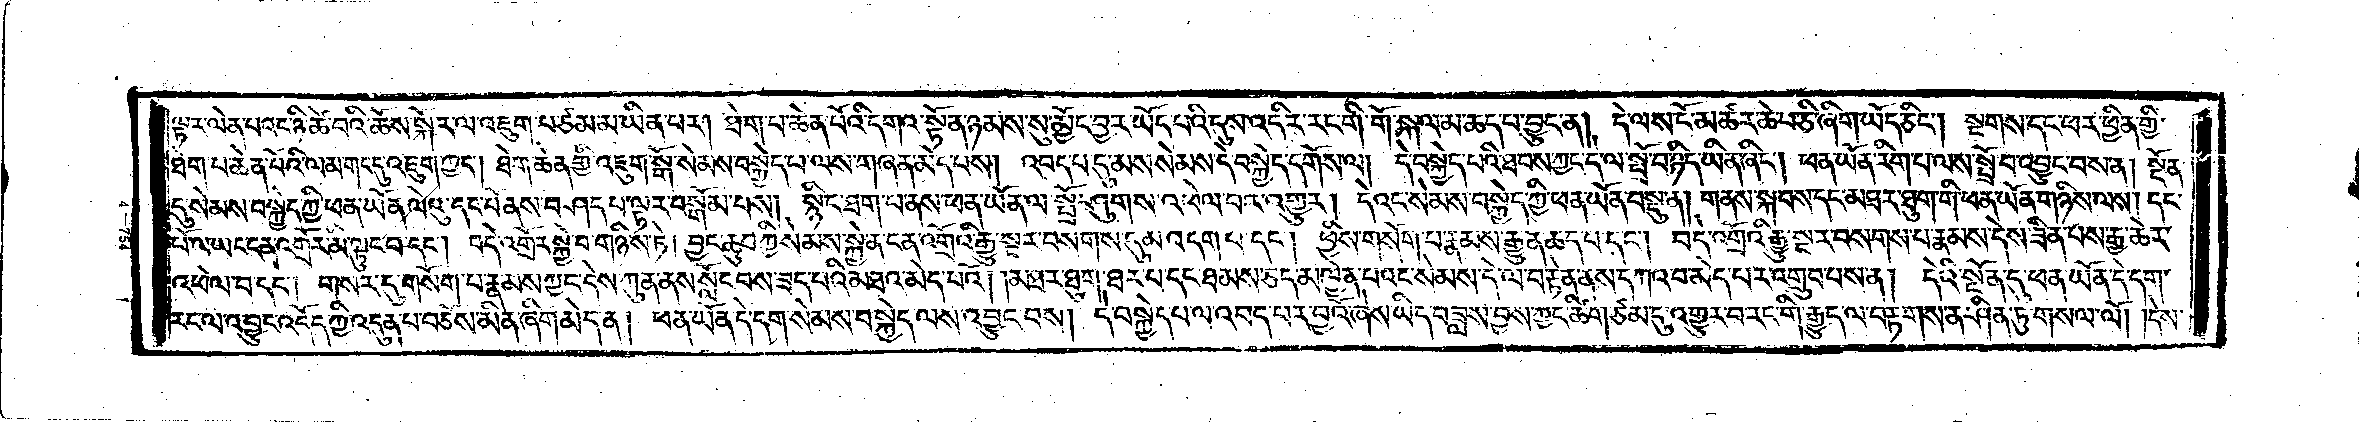ལྟར་ལེན་པའང་ཉི་ཚེ་བའི་ཆོས་སྐོར་ལ་འཇུག་པ་ཙམ་མ་ཡིན་པར། ཐེག་པ་ཆེན་པོའི་དགའ་སྟོན་ཉམས་སུ་མྱོང་བྱར་ཡོད་པའི་དུས་འདིར་རང་གི་གོ་སྐལ་མ་ཆད་པ་བྱུང་ན། དེ་ལས་ངོ་མཚར་ཆེ་པ་ཅི་ཞིག་ཡོད་ཅིང་། སྔགས་དང་ཕར་ཕྱིན་གྱི་
ཐེག་པ་ཆེན་པོའི་ལམ་གང་དུ་འཇུག་ཀྱང་། ཐེག་ཆེན་གྱི་འཇུག་སྒོ་སེམས་བསྐྱེད་པ་ལས་གཞན་མེད་པས། འབད་པ་དུ་མས་སེམས་དེ་བསྐྱེད་དགོས་ལ། དེ་བསྐྱེད་པའི་ཐབས་ཀྱང་དེ་ལ་སྤྲོ་བ་ཉིད་ཡིན་ཞིང་། ཕན་ཡོན་རིག་པ་ལས་སྤྲོ་བ་འབྱུང་བས་ན། སྔོན་
དུ་སེམས་བསྐྱེད་ཀྱི་ཕན་ཡོན་ལེའུ་དང་པོ་ནས་བཤད་པ་ལྟར་བསྒོམ་པས། སྙིང་ཐག་པ་ནས་ཕན་ཡོན་ལ་སྤྲོ་ཤུགས་འཕེལ་བར་འགྱུར། དེའང་སེམས་བསྐྱེད་ཀྱི་ཕན་ཡོན་བསྡུ་ན། གནས་སྐབས་དང་མཐར་ཐུག་གི་ཕན་ཡོན་གཉིས་ལས། དང་
པོ་ལ་ཡང་ངན་འགྲོར་མི་ལྟུང་བ་དང་། བདེ་འགྲོར་སྐྱེ་བ་གཉིས་ཏེ། བྱང་ཆུབ་ཀྱི་སེམས་སྐྱེ་ན་ངན་འགྲོའི་རྒྱུ་སྔར་བསགས་དུམ་འདག་པ་དང་། ཕྱིས་གསོག་པ་རྣམས་རྒྱུན་ཆད་པ་དང་། བདེ་འགྲོའི་རྒྱུ་སྔར་བསགས་པ་རྣམས་དེས་ཟིན་པས་རྒྱ་ཆེར་
འཕེལ་བ་དང་། གསར་དུ་གསོག་པ་རྣམས་ཀྱང་དེས་ཀུན་ནས་སློང་བས་ཟད་པའི་མཐའ་མེད་པའོ། །མཐར་ཐུག་ཐར་པ་དང་ཐམས་ཅད་མཁྱེན་པའང་སེམས་དེ་ལ་བརྟེན་ནས་དཀའ་བ་མེད་པར་འགྲུབ་པས་ན། དེའི་སྔོན་དུ་ཕན་ཡོན་དེ་དག་
རང་ལ་འབྱུང་འདོད་ཀྱི་འདུན་པ་བཅོས་མིན་ཞིག་མེད་ན། ཕན་ཡོན་དེ་དག་སེམས་བསྐྱེད་ལས་འབྱུང་བས། དེ་བསྐྱེད་བ་ལ་འབད་པར་བྱའོ་ཞེས་ཡིད་བཟླས་བྱས་ཀྱང་ཚིག་ཙམ་དུ་འགྱུར་བ་རང་གི་རྒྱུད་ལ་བརྟགས་ན་ཤིན་ཏུ་གསལ་ལོ། །དེས་